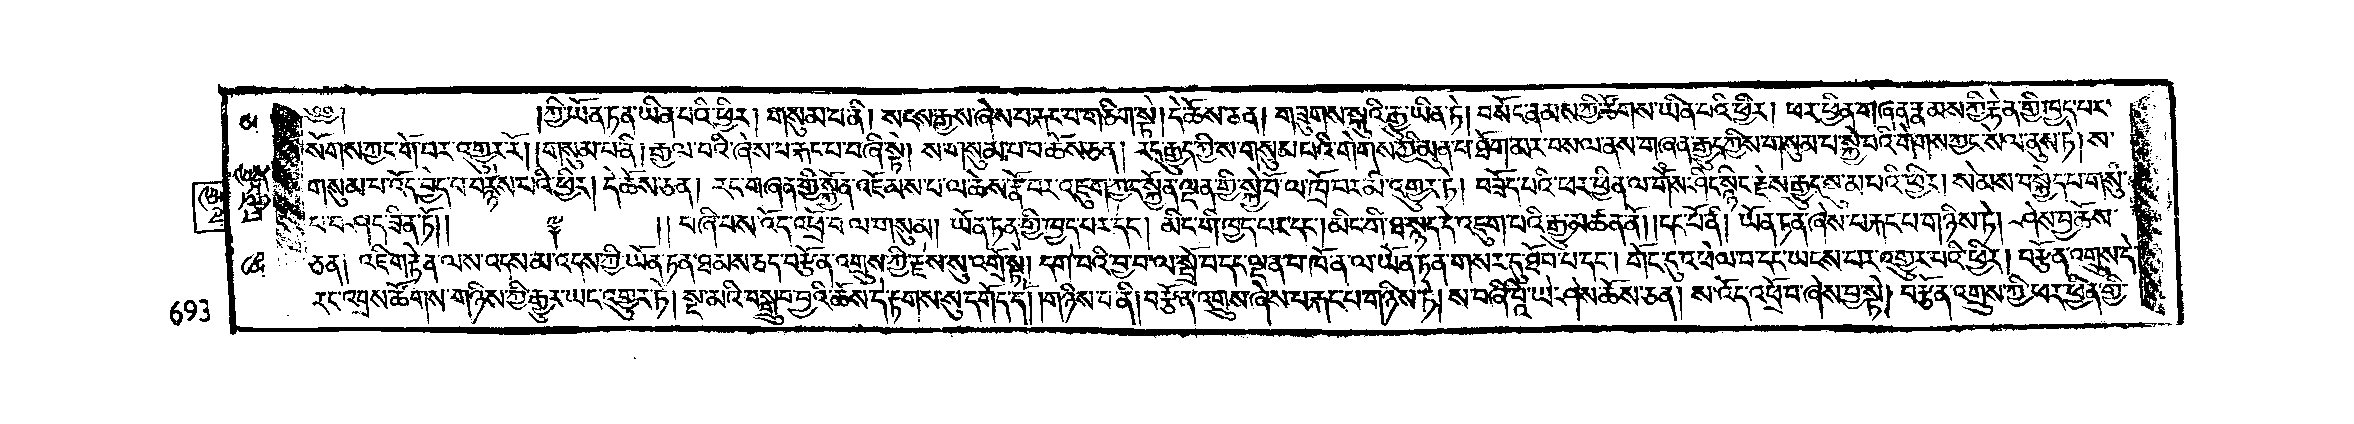༄༅། །ཀྱི་ཡོན་ཏན་ཡིན་པའི་ཕྱིར། གསུམ་པ་ནི། སངས་རྒྱས་ཞེས་པ་རྐང་པ་གཅིག་སྟེ། དེ་ཆོས་ཅན། གཟུགས་སྐུའི་རྒྱུ་ཡིན་ཏེ། བསོད་ནམས་ཀྱི་ཚོགས་ཡིན་པའི་ཕྱིར། ཕར་ཕྱིན་གཞན་རྣམས་ཀྱི་རྟེན་གྱི་ཁྱད་པར་
སོགས་ཀྱང་གོ་བར་འགྱུར་རོ། །གསུམ་པ་ནི། རྒྱལ་བའི་ཞེས་པ་རྐང་པ་བཞི་སྟེ། ས་གསུམ་པ་བ་ཆོས་ཅན། རང་རྒྱུད་ཀྱི་ས་གསུམ་པའི་གེགས་ཀྱི་མུན་པ་ཐོག་མར་བསལ་ནས་གཞན་རྒྱུད་ཀྱིས་གསུམ་པ་སྐྱེ་བའི་གེགས་ཀྱང་སེལ་ནུས་ཏེ། ས་
གསུམ་པ་འོད་བྱེད་པ་བརྙེས་པའི་ཕྱིར། དེ་ཆོས་ཅན། རང་གཞན་གྱི་སྐྱོན་འཇོམས་པ་ལ་ཆེས་རྣོ་བར་འཇུག་ཀྱང་སྐྱོན་ལྡན་གྱི་སྐྱེ་བོ་ལ་ཁྲོ་བར་མི་འགྱུར་ཏེ། བཟོད་པའི་ཕར་ཕྱིན་ལ་གོམས་ཤིང་སྙིང་རྗེས་རྒྱུད་སུ?་མ་པའི་ཕྱིར། སེམས་བསྐྱེད་པ་གསུམ་
པ་བཤད་ཟིན་ཏོ།། ༈ །།བཞི་པས་འོད་འཕྲོ་བ་ལ་གསུམ། ཡོན་ཏན་གྱི་ཁྱད་པར་དང་། མིང་གི་ཁྱད་པར་དང་། མིང་གི་ཐ་སྙད་དེ་འཇུག་པའི་རྒྱུ་མཚན་ནོ། །དང་པོ་ནི། ཡོན་ཏན་ཞེས་པ་རྐང་པ་གཉིས་ཏེ། ཤེས་བྱ་ཆོས་
ཅན། འཇིག་རྟེན་ལས་འདས་མ་འདས་ཀྱི་ཡོན་ཏན་ཐམས་ཅད་བརྩོན་འགྲུས་ཀྱི་རྗེས་སུ་འགྲོ་སྟེ། དགེ་བའི་བྱ་བ་ལ་སྤྲོ་བ་དང་ལྡན་པ་ཁོ་ན་ལ་ཡོན་ཏན་གསར་དུ་ཐོབ་པ་དང་། གོང་དུ་འཕེལ་བ་དང་ཡངས་པར་འགྱུར་པའི་ཕྱིར། བརྩོན་འགྲུས་དེ་
རང་འབྲས་ཚོགས་གཉིས་ཀྱི་རྒྱུར་ཡང་འགྱུར་ཏེ། སྔ་མའི་བསྒྲུབ་བྱའི་ཆོས་དེ་རྟགས་སུ་དགོད་དོ། །གཉིས་པ་ནི། བརྩོན་འགྲུས་ཞེས་པ་རྐང་པ་གཉིས་ཏེ། ས་བཞི་པའི་ཡེ་ཤེས་ཆོས་ཅན། ས་འོད་འཕྲོ་བ་ཞེས་བྱ་སྟེ། བརྩོན་འགྲུས་ཀྱི་ཕར་ཕྱིན་གྱི་